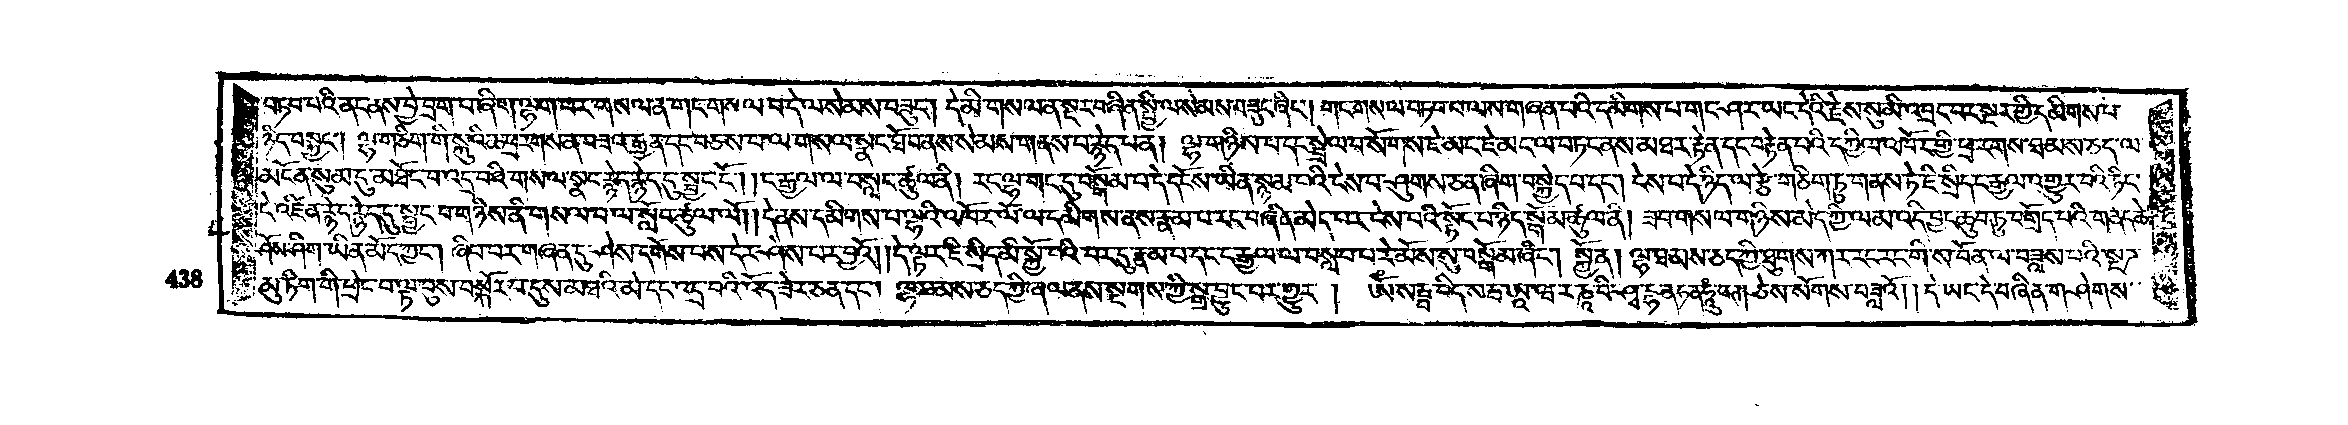བཏབ་པའི་ནང་ནས་བྱེ་བྲག་པ་ཞིག་ལྷག་པར་གསལ་ན་གང་གསལ་བ་དེ་ལ་སེམས་བཟུང་། དེ་མི་གསལ་ན་སྔར་བཞིན་སྤྱི་ལ་སེམས་བཟུང་ཞིང་། གང་གསལ་བཏབ་པ་ལས་གཞན་པའི་དམིགས་པ་གང་ཤར་ཡང་དེའི་རྗེས་སུ་མི་འབྲང་བར་སྔར་གྱི་དམིགས་པ་
ཉིད་བསྐྱང་། ལྷ་གཅིག་གི་སྐུའི་ཆ་ཕྲ་རགས་ན་བཟའ་རྒྱན་དང་བཅས་པ་ལ་གསལ་སྣང་ཐོབ་ནས་སེམས་གནས་པ་རྙེད་པ་ན། ལྷ་གཉིས་པ་དང་སྦྲེལ་བ་སོགས་ཇེ་མང་ཇེ་མང་ལ་བཏང་ནས་མཐར་རྟེན་དང་བརྟེན་པའི་དཀྱིལ་འཁོར་གྱི་ཕྲ་རགས་ཐམས་ཅད་ལ་
མངོན་སུམ་དུ་མཐོང་བ་འདྲ་བའི་གསལ་སྣང་རྙེད་རྙེད་དུ་སྦྱང་ངོ། །ང་རྒྱལ་ལ་བསླབ་ཚུལ་ནི། རང་ལྷ་གང་དུ་བསྒོམ་པ་དེ་དངོས་ཡིན་སྙམ་པའི་ངེས་པ་ཤུགས་ཅན་ཞིག་བསྐྱེད་པ་དང་། ངེས་པ་དེ་ཉིད་ལ་རྩེ་གཅིག་ཏུ་གནས་ཏེ་ཇི་སྲིད་ང་རྒྱལ་འགྱུར་བའི་ཏིང་
ངེ་འཛིན་རྙེད་རྙེད་དུ་སྦྱང་བ་གཉིས་ནི་གསལ་བ་ལ་སློབ་ཚུལ་ལོ། །དེ་ནས་དམིགས་པ་ལྷའི་འཁོར་ལོ་ལ་དམིགས་ནས་རྣམ་པ་རང་བཞིན་མེད་པར་ངེས་པའི་སྟོང་པ་ཉིད་སྒོམ་ཚུལ་ནི། ཟབ་གསལ་གཉིས་མེད་ཀྱི་ལམ་འདི་བྱང་ཆུབ་ཏུ་བགྲོད་པའི་གནད་ཆེ་
ཤོས་ཤིག་ཡིན་མོད་ཀྱང་། ཞིབ་པར་གཞན་དུ་ཤེས་དགོས་པས་དེར་ཤེས་པར་བྱའོ། །དེ་ལྟར་ཇི་སྲིད་མི་སྐྱོ་བའི་བར་དུ་རྣམ་པ་དང་ང་རྒྱལ་ལ་བསླབ་པ་རེ་མོས་སུ་བསྒོམ་ཞིང་། སྐྱོ་ན། ལྷ་ཐམས་ཅད་ཀྱི་ཐུགས་ཀར་རང་རང་གི་ས་བོན་ལ་བཟླས་པའི་སྔགས་
མུ་ཏིག་གི་ཕྲེང་བ་ལྟ་བུས་བསྐོར་བ་དུས་མཐའི་མེ་དང་འདྲ་བའི་འོད་ཟེར་ཅན་དང་། ལྷ་ཐམས་ཅད་ཀྱི་ཞལ་ནས་སྔགས་ཀྱི་སྒྲ་བྱུང་བར་གྱུར། ཨོཾ་སརྦྦ་བིད་སརྦ་ཨཱ་ཝ་ར་ཎཱ་བི་ཤྭ་དྷ་ན་ཧ་ན་ཧཱུཾ་ཕཊ། ཅེས་སོགས་བཟླའོ། །དེ་ཡང་དེ་བཞིན་གཤེགས་